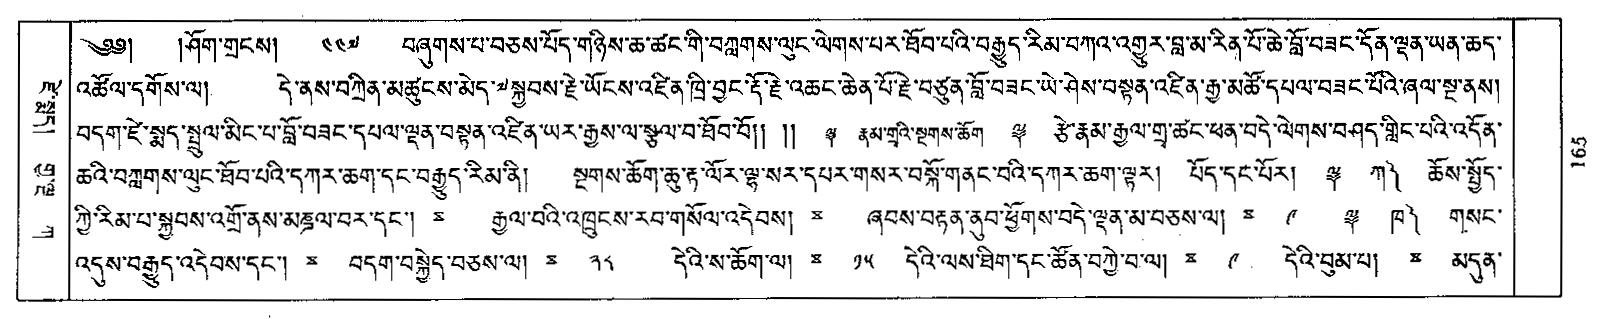༄༅། །ཤོག་གྲངས། ༤༤༧་བཞུགས་པ་བཅས་པོད་གཉིས་ཆ་ཚང་གི་བཀླགས་ལུང་ལེགས་པར་ཐོབ་པའི་བརྒྱུད་རིམ་བཀའ་འགྱུར་བླ་མ་རིན་པོ་ཆེ་བློ་བཟང་དོན་ལྡན་ཡན་ཆད་
འཚོལ་དགོས་ལ། དེ་ནས་བཀྲིན་མཚུངས་མེད་༧སྐྱབས་རྗེ་ཡོངས་འཛིན་ཁྲི་བྱང་རྡོ་རྗེ་འཆང་ཆེན་པོ་རྗེ་བཙུན་བློ་བཟང་ཡེ་ཤེས་བསྟན་འཛིན་རྒྱ་མཚོ་དཔལ་བཟང་པོའི་ཞལ་སྔ་ནས།
བདག་ཛེ་སྨད་སྤྲུལ་མིང་པ་བློ་བཟང་དཔལ་ལྡན་བསྟན་འཛིན་ཡར་རྒྱས་ལ་སྩལ་བ་ཐོབ་བོ།། །། ༈ རྣམ་གྲྭའི་སྔགས་ཆོག ༈ རྩེ་རྣམ་རྒྱལ་གྲྭ་ཚང་ཕན་བདེ་ལེགས་བཤད་གླིང་པའི་འདོན་
ཆའི་བཀླགས་ལུང་ཐོབ་པའི་དཀར་ཆག་དང་བརྒྱུད་རིམ་ནི། སྔགས་ཆོག་ཆུ་རྟ་ལོར་ལྷ་སར་དཔར་གསར་བསྐོ་གནང་བའི་དཀར་ཆག་ལྟར། པོད་དང་པོར། ༈ ཀ྄་ཆོས་སྤྱོད་
ཀྱི་རིམ་པ་སྐྱབས་འགྲོ་ནས་མཎྜལ་བར་དང་། རྒྱལ་བའི་འཁྲུངས་རབ་གསོལ་འདེབས། ཞབས་བརྟན་ནུབ་ཕྱོགས་བདེ་ལྡན་མ་བཅས་ལ། ༩་༈ ཁ྄་གསང་
འདུས་བརྒྱུད་འདེབས་དང་། བདག་བསྐྱེད་བཅས་ལ། ༢༨་དེའི་ས་ཆོག་ལ། ༡༥་དེའི་ལས་ཐིག་དང་ཚོན་བཀྱེ་བ་ལ། ༩་དེའི་བུམ་པ། མདུན་